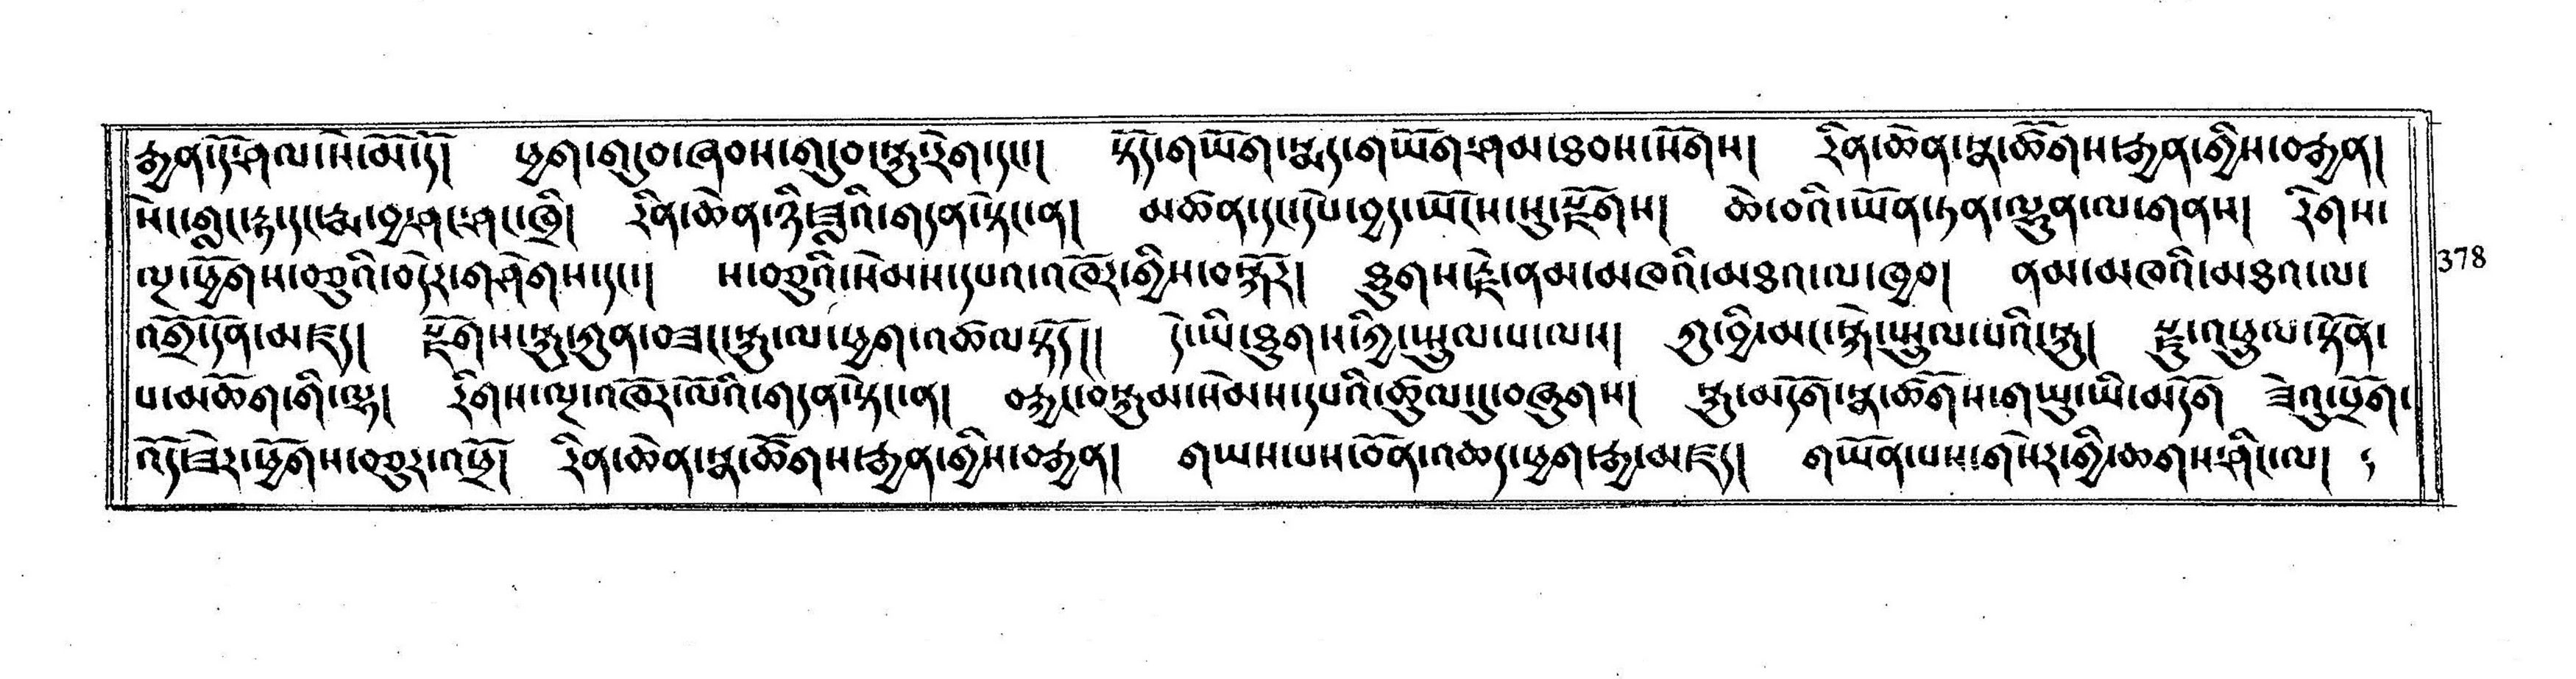རྒྱན་དོ་ཤལ་སེ་མོ་དོ། ཕྱག་གདུབ་ཞབས་གདུབ་སྐུ་རེག་དང་། སྟོད་གཡོག་སྨད་གཡོག་ཤམ་ཐབས་སོགས། རིན་ཆེན་སྣ་ཚོགས་རྒྱན་གྱིས་བརྒྱན། 
སེང་གླང་རྟ་དང་རྨ་བྱ་ཤང་ཤང་ཁྲི། རིན་ཆེན་ཉི་ཟླའི་གདན་སྟེང་ན། མཚན་དང་དཔེ་བྱད་ཡོངས་སུ་རྫོགས། ཆེ་བའི་ཡོན་ཏན་ལྷུན་ལ་གནས། རིགས་
ལྔ་ཕྱོགས་བཅུའི་བདེར་གཤེགས་དང་། ས་བཅུའི་སེམས་དཔའ་འཁོར་གྱིས་བསྐོར། ཐུགས་རྗེ་ནམ་མཁའི་མཐའ་ལ་ཁྱབ། ནམ་མཁའི་མཐའ་ལ་
འགྲོ་དོན་མཛད། རྫོགས་སྐུ་ཀུན་བཟང་སྐུ་ལ་ཕྱག་འཚལ་སྟོད།། དེ་ཡི་ཐུགས་ཀྱི་སྤྲུལ་པ་ལས། ཀུ་བྱི་མང་སྐེ་སྤྲུལ་པའི་སྐུ། རྫུ་འཕྲུལ་སྟོན་
པ་མཆོག་གི་ལྷ། རིགས་ལྔ་འཁོར་ལོའི་གདན་སྟེང་ན། བརྐྱང་བསྐུམ་སེམས་དཔའི་ཚུལ་དུ་བཞུགས། སྐུ་མདོག་སྣ་ཚོགས་གཡུ་ཡི་མདོག ཟེའུ་པྲོག་
འོད་ཟེར་ཕྱོགས་བཅུར་འཕྲོ། རིན་ཆེན་སྣ་ཚོགས་རྒྱན་གྱིས་བརྒྱན། གཡས་པས་བོན་འཆད་ཕྱག་རྒྱ་མཛད། གཡོན་པས་གསེར་གྱི་ཆགས་ཤིང་ལ།